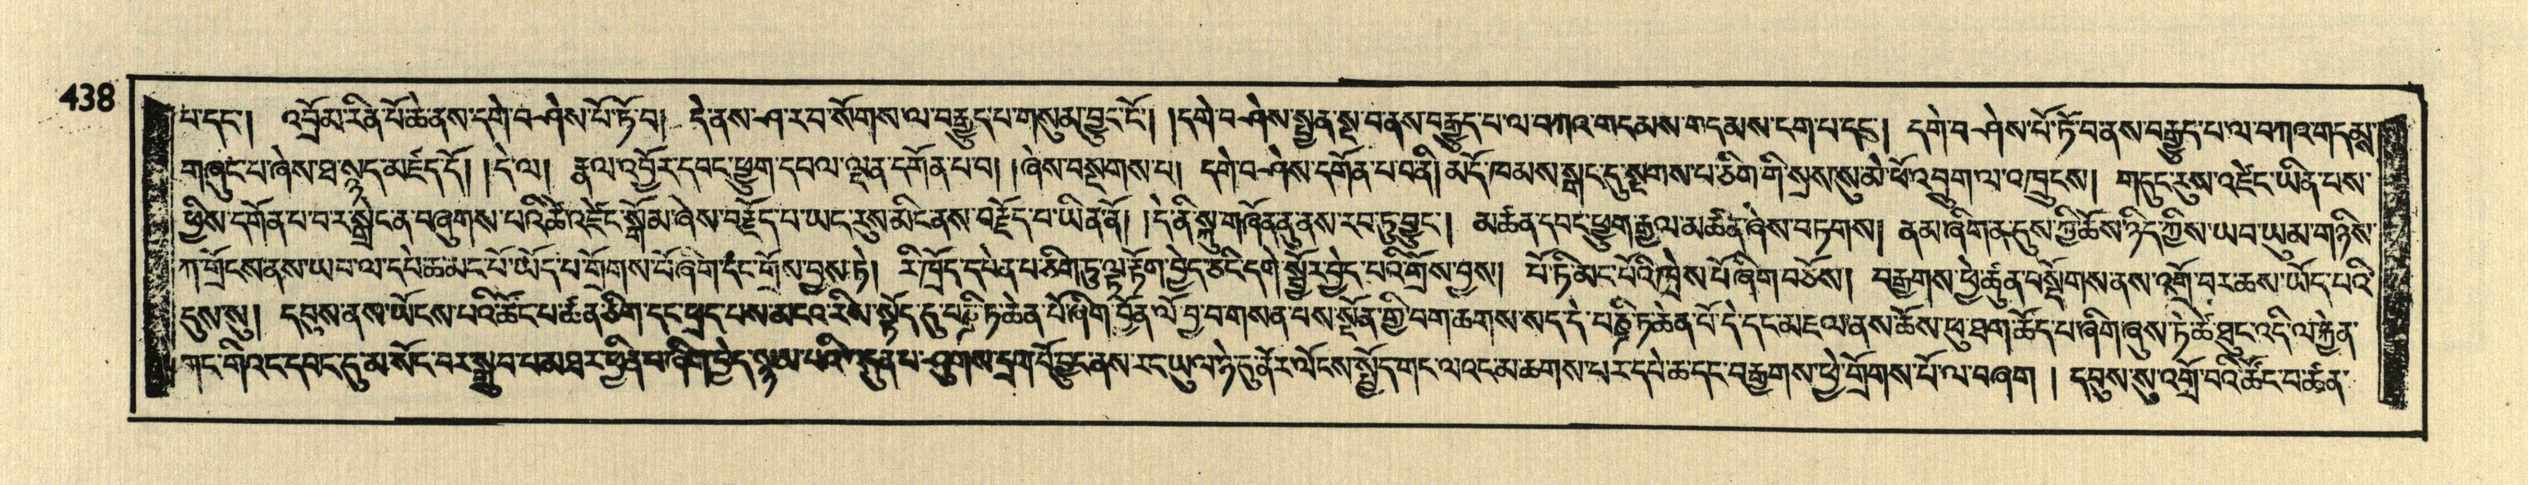པ་དང་། འབྲོམ་རིན་པོ་ཆེ་ནས་དགེ་བཤེས་པོ་ཏོ་བ། དེ་ནས་ཤ་རབ་སོགས་ལ་བརྒྱུད་པ་གསུམ་བྱུང་ངོ། །དགེ་བཤེས་སྤྱན་སྔ་བ་ནས་བརྒྱུད་པ་ལ་བཀའ་གདམས་གདམས་ངག་པ་དང་། དགེ་བཤེས་པོ་ཏོ་བ་ནས་བརྒྱུད་པ་ལ་བཀའ་གདམས་
གཞུང་པ་ཞེས་ཐ་སྙད་མཛད་དོ། །དེ་ལ། རྣལ་འབྱོར་དབང་ཕྱུག་དཔལ་ལྡན་དགོན་པ་བ། །ཞེས་བསྔགས་པ། དགེ་བཤེས་དགོན་པ་བ་ནི། མདོ་ཁམས་སྒང་དུ་སྔགས་པ་ཅིག་གི་སྲས་སུ་མེ་ཕོ་འབྲུག་ལ་འཁྲུངས། གདུང་རུས་འཛེང་ཡིན་པས་
ཕྱིས་དགོན་པ་བ་ར་སྒྲེང་ན་བཞུགས་པའི་ཚེ་འཛེང་སྒོམ་ཞེས་བརྗོད་པ་ཡང་རུས་མིང་ནས་བརྗོད་པ་ཡིན་ནོ། །དེ་ནི་སྐུ་གཞོན་ནུ་ནས་རབ་ཏུ་བྱུང་། མཚན་དབང་ཕྱུག་རྒྱལ་མཚན་ཞེས་བཏགས། ནམ་ཞིག་ན་དུས་ཀྱི་ཆོས་ཉིད་ཀྱིས་ཡབ་ཡུམ་གཉིས་
ཀ་གྲོངས་ནས་ཡབ་ལ་དཔེ་ཆ་མང་པོ་ཡོད་པ་གྲོགས་པོ་ཞིག་དང་གྲོས་བྱས་ཏེ། རི་ཁྲོད་དཔེན་པ་ཅིག་ཏུ་ལྟ་རྟོག་བྱེད་ཅིང་དགེ་སྦྱོར་བྱེད་པའི་གྲོས་བྱས། པོ་ཏི་མང་པོའི་ཁྲེས་པོ་ཞིག་བཅོས། བརྒྱགས་ཕྱེ་ཚུན་བསྡོགས་ནས་འགྲོ་བར་ཆས་ཡོད་པའི་
དུས་སུ། དབུས་ནས་ཡོངས་པའི་ཆོང་པ་ཚན་ཅིག་དང་ཕྲང་པས་མངའ་རིས་སྟོང་དུ་པཎྜི་ཏ་ཆེན་པོ་ཞིག་བྱོན་ལོ་བྱ་བ་གསན་པས་སྔོན་གྱི་བག་ཆགས་སད་དེ་པཎྜི་ཏ་ཆེན་པོ་དེ་དང་མཇལ་ནས་ཆོས་ཕུ་ཐག་ཆོད་པ་ཞིག་ཞུས་ཏེ་ཚེ་ཐུང་འདི་ལ་རྐྱེན་
གང་གིའང་དབང་དུ་མ་སོང་བར་སྒྱུབ་པ་མཐར་ཕྱིན་པ་ཞིག་བྱེད་སྙམ་པའི་འདུན་པ་ཤུགས་དྲག་པོ་བྱུང་ནས་རང་ཡུལ་ཉེ་དུ་ནོར་ལོངས་སྤྱོད་གང་ལའང་མ་ཆགས་པར་དཔེ་ཆ་དང་བརྒྱགས་ཕྱེ་གྲོགས་པོ་ལ་བཞག །དབུས་སུ་འགྲོ་བའི་ཚོང་བ་ཚན་